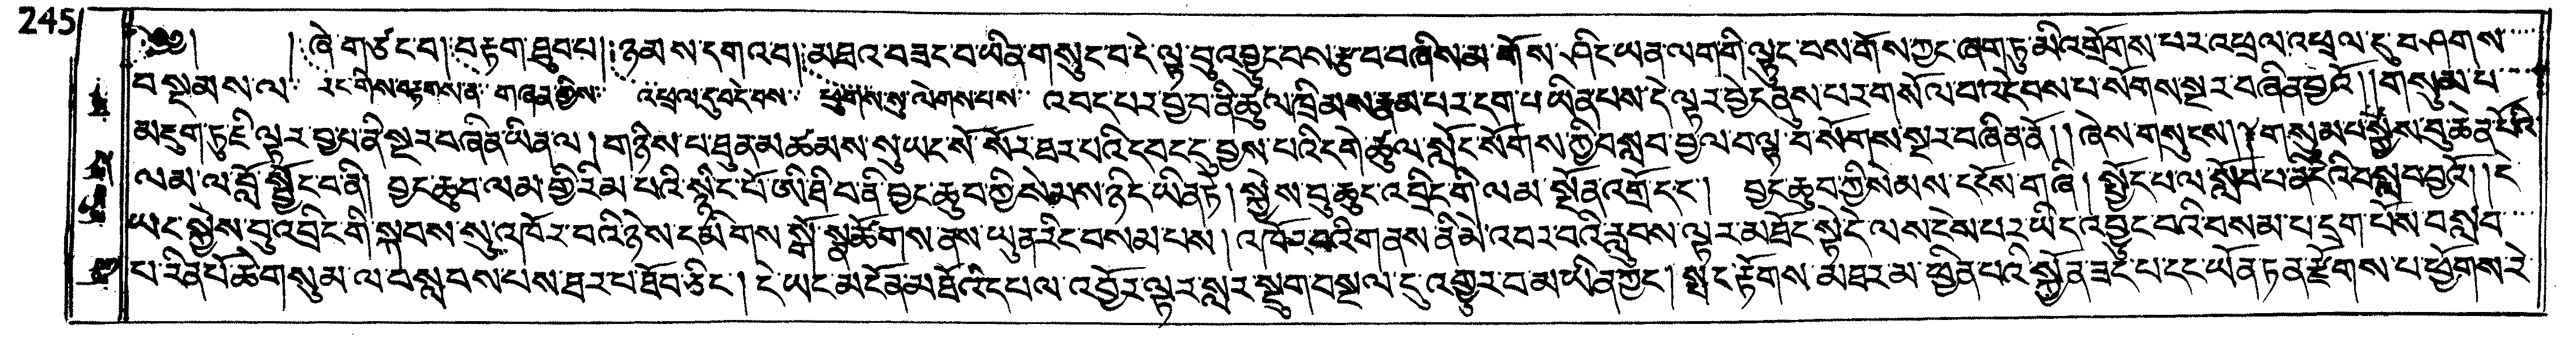༄༅། །ཞེ་གཙང་བ། བརྟག་ཐུབ་པ། ཉམས་དགའ་བ། མཐའ་བཟང་བ་ཡིན་གསུང་བ་དེ་ལྟ་བུ་འབྱུང་བས་རྩ་བ་བཞིས་མ་གོས་ཤིང་ཡན་ལག་གི་ལྟུང་བས་གོས་ཀྱང་ཞག་ཏུ་མི་འགྲོགས་པར་འཕྲལ་འཕྲལ་དུ་བཤགས་
བསྡམས་ལ་རང་གིས་བརྟགས་ན་གཞན་གྱིས། འཕྲལ་དུ་བདེ་བས། ཕུགས་སུ་ལེགས་པས། འབད་པར་བྱ་བ་ནི་ཚུལ་ཁྲིམས་རྣམ་པར་དག་པ་ཡིན་པས་དེ་ལྟར་བྱེད་ནུས་པར་གསོལ་བ་འདེབས་པ་སོགས་སྔར་བཞིན་བྱའོ། །གསུམ་པ་
མཇུག་ཏུ་ཇི་ལྟར་བྱ་བ་ནི་སྔར་བཞིན་ཡིན་ལ། གཉིས་པ་ཐུན་མཚམས་སུ་ཡང་སོ་སོར་ཐར་པའི་དབང་དུ་བྱས་པའི་དགེ་ཚུལ་སློང་སོགས་ཀྱི་བསླབ་བྱ་ལ་བལྟ་བ་སོགས་སྔར་བཞིན་ནོ། །ཞེས་གསུངས། ༈གསུམ་པ་སྐྱེས་བུ་ཆེན་པོའི་
ལམ་ལ་བློ་སྦྱོང་བ་ནི། བྱང་ཆུབ་ལམ་གྱི་རིམ་པའི་སྙིང་པོ་ཨི་ཐི་བ་ནི་བྱང་ཆུབ་ཀྱི་སེམས་ཉིད་ཡིན་ཏེ། སྐྱེས་བུ་ཆུང་འབྲིང་གི་ལམ་སྔོན་འགྲོ་དང་། བྱང་ཆུབ་ཀྱི་སེམས་དངོས་གཞི། སྤྱོད་པ་ལ་སློབ་པ་ནི་དེའི་བསླབ་བྱའོ། །དེ་
ཡང་སྐྱེས་བུ་འབྲིང་གི་སྐབས་སུ་འཁོར་བའི་ཉེས་དམིགས་སྒོ་སྣ་ཚོགས་ནས་ཡུན་རིང་བསམ་པས། འཁོར་བའི་གནས་ནི་མེ་འབར་བའི་རླུབས་ལྟར་མཐོང་སྟེ་དེ་ལས་ངེས་པར་ཡིད་འབྱུང་བའི་བསམ་པ་དྲག་པོས་བསླབ་
པ་རིན་པོ་ཆེ་གསུམ་ལ་བསླབས་པས་ཐར་པ་ཐོབ་ཅིང་། དེ་ཡང་མངོན་མཐོའི་དཔལ་འབྱོར་ལྟར་སླར་སྡུག་བསྔལ་དུ་འགྱུར་བ་མ་ཡིན་ཀྱང་། སྤང་རྟོགས་མཐར་མ་ཕྱིན་པའི་སྐྱོན་ཟད་པ་དང་ཡོན་ཏན་རྫོགས་པ་ཕྱོགས་རེ་